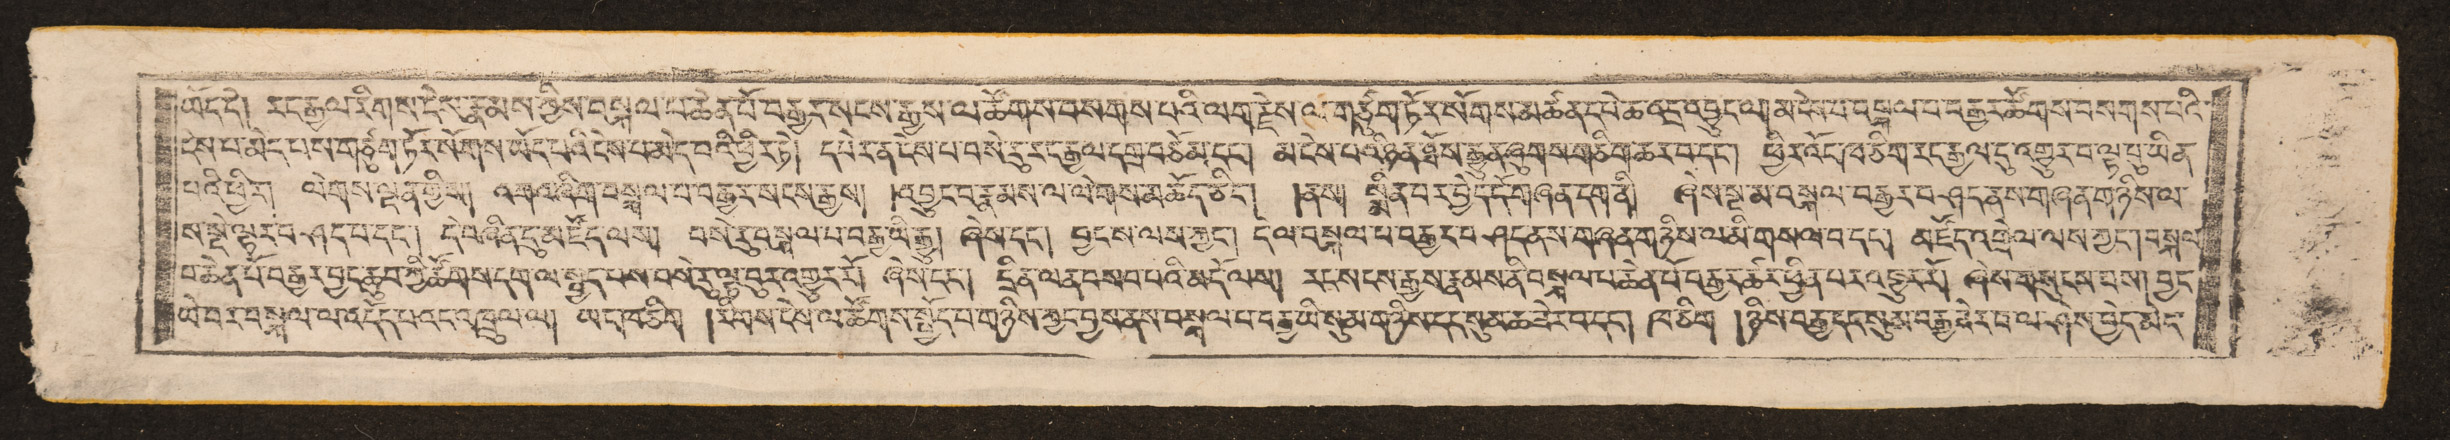ཡོད་དེ། རང་རྒྱལ་རིགས་ངེས་རྣམས་ཀྱིས་བསྐལ་པ་ཆེན་པོ་བརྒྱར་སངས་རྒྱས་ལ་ཚོགས་བསགས་པའི་ལག་རྗེས་ལ་གཙུག་ཏོར་སོགས་མཚན་དཔེ་ཆ་འདྲ་འབྱུང་ལ། མ་ངེས་བ་བསྐལ་པ་བརྒྱར་ཚོགས་བསགས་པའི་
ངེས་པ་མེད་པས་གཙུག་ཏོར་སོགས་ཡོད་པའི་ངེས་པ་མེད་པའི་ཕྱིར་ཏེ། དཔེར་ན་ངེས་པ་བསེ་རུ་རང་རྒྱལ་དགྲ་བཅོམ་དང་། མ་ངེས་པའི་ཉན་ཐོས་རྒྱུན་ཞུགས་གཅིག་ཆར་བ་དང་། ཕྱིར་འོང་ཁ་ཅིག་རང་རྒྱལ་དུ་འགྱུར་བ་ལྟ་བུ་ཡིན་
པའི་ཕྱིར། ལེགས་ལྡན་གྱིས། འགའ་ཞིག་བསྐལ་བ་བརྒྱར་སངས་རྒྱས། །འབྱུང་བ་རྣམས་ལ་ལེགས་མཆོད་ཅིང་། །ནས། སྨིན་པར་བྱེད་དོ་གཞན་དག་ནི། ཞེས་སྔ་མ་བསྐལ་བརྒྱར་བཤད་ནས་གཞན་གཉིས་ལ་
ས་སྡེ་ལྟར་བཤད་པ་དང་། དེ་བཞིན་དུ་མཛོད་ལས། བསེ་རུ་བསྐལ་བ་བརྒྱ་ཡི་རྒྱུ། ཞེས་དང་། བྱང་ས་ལས་ཀྱང་། དེ་ལ་བསྐལ་བ་བརྒྱར་བཤད་ནས་གཞན་གཉིས་ལ་མི་གསལ་བ་དང་། མཛོད་འགྲེལ་ལས་ཀྱང་། བསྐལ་
བ་ཆེན་པོ་བརྒྱར་བྱང་ཆུབ་ཀྱི་ཚོགས་དག་ལ་སྤྱད་པས་བསེ་རུ་ལྟ་བུར་འགྱུར་རོ། ཞེས་དང་། དྲིན་ལན་བསབ་པའི་མདོ་ལས། རང་སངས་རྒྱས་རྣམས་ནི་བསྐལ་བ་ཆེན་པོ་བརྒྱར་ཚར་ཕྱིན་བར་འགྱུར་རོ། ཞེས་གསུངས་པས། བྱང་
ཡེ་བར་བསྐལ་ལ་འདོད་པའང་འཁྲུལ་ལ། ཡང་ཁ་ཅིག །རིགས་ངེས་ལ་ཚོགས་སྤྱོད་པ་གཉིས་ཀྱང་བྱས་ནས་བསྐལ་པ་བརྒྱ་ཡི་སུམ་གཉིས་དང་སུམ་ཆ་ཟེར་བ་དང་། ཁ་ཅིག །ཉིས་བརྒྱ་དང་སུམ་བརྒྱ་ཟེར་བ་ལ་ཤེས་བྱེད་མེད་